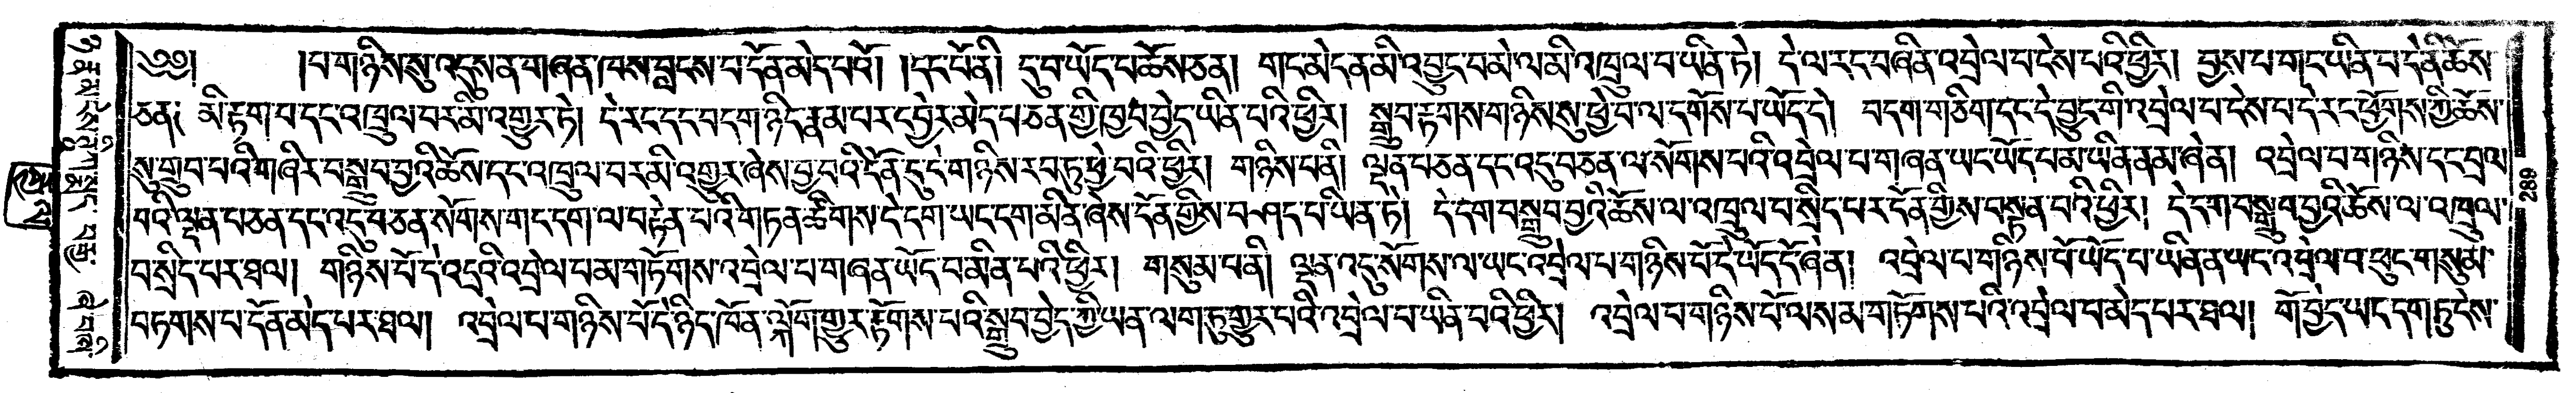༄༅། །པ་གཉིས་སུ་འདུས་ན་གཞན་ཁས་བླངས་པ་དོན་མེད་པའོ། །དང་པོ་ནི། དུ་བ་ཡོད་པ་ཆོས་ཅན། གང་མེད་ན་མི་འབྱུང་བ་མེ་ལ་མི་འཁྲུལ་བ་ཡིན་ཏེ། དེ་ལ་རང་བཞིན་འབྲེལ་བ་ངེས་པའི་ཕྱིར། བྱས་པ་གང་ཡིན་པ་དེ་ནི་ཆོས་
ཅན༑ མི་རྟག་པ་དང་འཁྲུལ་བར་མི་གྱུར་ཏེ། དེ་རང་དང་བདག་ཉིད་རྣམ་པར་དབྱེར་མེད་པ་ཅན་གྱི་ཁྱབ་བྱེད་ཡིན་པའི་ཕྱིར། སྒྲུབ་རྟགས་གཉིས་སུ་ཕྱེ་བ་ལ་དགོས་པ་ཡོད་དེ། བདག་གཅིག་དང་དེ་བྱུང་གི་འབྲེལ་བ་ངེས་པ་དེ་རང་ཕྱོགས་ཀྱི་ཆོས་
སུ་གྲུབ་པའི་གཞིར་བསྒྲུབ་བྱའི་ཆོས་དང་འཁྲུལ་བར་མི་འགྱུར་ཞེས་བྱ་བའི་དོན་དུ་དེ་གཉིས་རབ་ཏུ་ཕྱེ་བའི་ཕྱིར། གཉིས་པ་ནི། ལྡན་པ་ཅན་དང་འདུ་བ་ཅན་ལ་སོགས་པའི་འབྲེལ་བ་གཞན་ཡང་ཡོད་པ་མ་ཡིན་ནམ་ཞེ་ན། འབྲེལ་བ་གཉིས་དང་བྲལ་
བའི་ལྡན་པ་ཅན་དང་འདུ་བ་ཅན་སོགས་གང་དག་ལ་བརྟེན་པའི་གཏན་ཚིགས་དེ་དག་ཡང་དག་མིན་ཞེས་དོན་གྱིས་བཤད་པ་ཡིན་ཏེ། དེ་དག་བསྒྲུབ་བྱའི་ཆོས་ལ་འཁྲུལ་པ་སྲིད་པར་དོན་གྱིས་བསྟན་པའི་ཕྱིར། དེ་དག་བསྒྲུབ་བྱའི་ཆོས་ལ་འཁྲུལ་
བ་སྲིད་པར་ཐལ། གཉིས་པོ་དེ་འདྲའི་འབྲེལ་བ་མ་གཏོགས་འབྲེལ་པ་གཞན་ཡོད་པ་མིན་པའི་ཕྱིར། གསུམ་པ་ནི། ལྡན་འདུ་སོགས་ལ་ཡང་འབྲེལ་བ་གཉིས་པོ་དེ་ཡོད་དོ་ཞེ་ན། འབྲེལ་པ་གཉིས་པོ་ཡོད་པ་ཡིན་ན་ཡང་འབྲེལ་བ་ཕུང་གསུམ་
བཏགས་པ་དོན་མེད་པར་ཐལ། འབྲེལ་པ་གཉིས་པོ་དེ་ཉིད་ཁོ་ན་ལྐོག་གྱུར་རྟོགས་པའི་སྒྲུབ་བྱེད་ཀྱི་ཡན་ལག་ཏུ་གྱུར་པའི་འབྲེལ་བ་ཡིན་པའི་ཕྱིར། འབྲེལ་བ་གཉིས་པོ་ལས་མ་གཏོགས་པའི་འབྲེལ་བ་མེད་པར་ཐལ། གོ་བྱེད་ཡང་དག་ཏུ་ངེས་